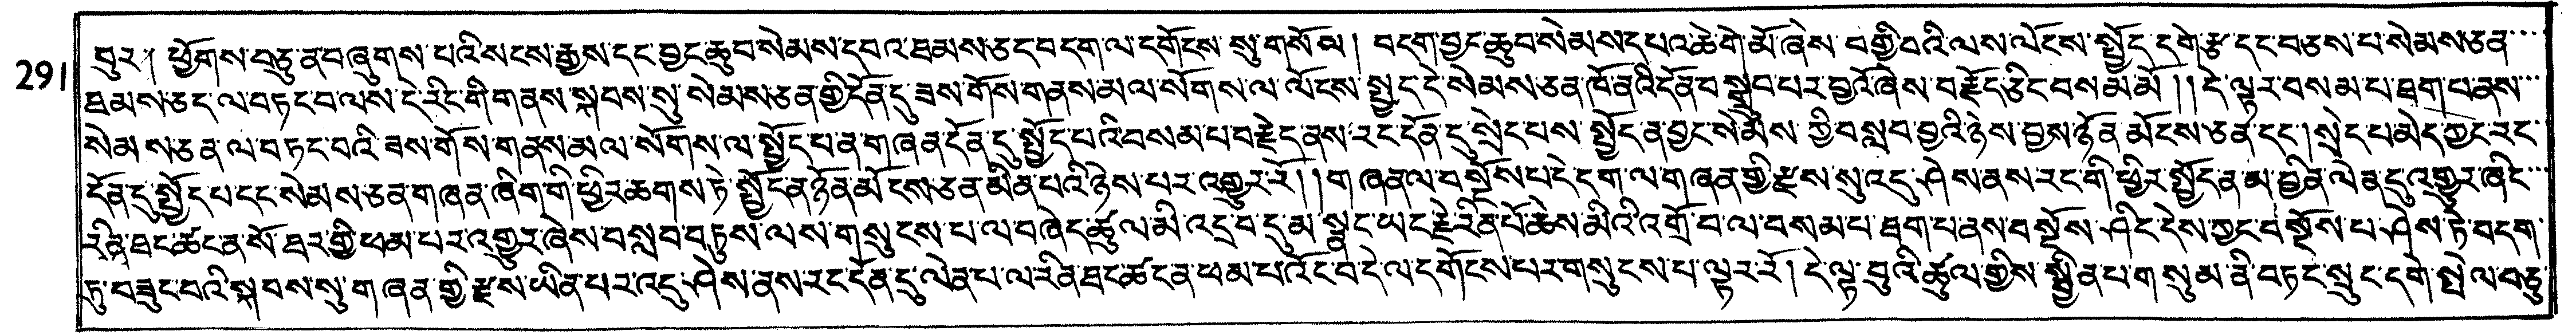བུར༑ ཕྱོགས་བཅུ་ན་བཞུགས་པའི་སངས་རྒྱས་དང་བྱང་ཆུབ་སེམས་དཔའ་ཐམས་ཅད་བདག་ལ་དགོངས་སུ་གསོལ། བདག་བྱང་ཆུབ་སེམས་དཔའ་ཆེ་གེ་མོ་ཞེས་བགྱི་བའི་ལས་ལོངས་སྤྱོད་དགེ་རྩ་དང་བཅས་པ་སེམས་ཅན་
ཐམས་ཅད་ལ་བཏང་བ་ལས་དེ་རིང་གི་གནས་སྐབས་སུ་སེམས་ཅན་གྱི་དོན་དུ་ཟས་གོས་གནས་མ་ལ་སོགས་ལ་ལོངས་སྤྱད་དེ་སེམས་ཅན་ཁོ་ནའི་དོན་བསྒྲུབ་པར་བྱའོ་ཞེས་བརྗོད་ཅིང་བསམ་མོ། །དེ་ལྟར་བསམ་པ་ཐག་པ་ནས་
སེམས་ཅན་ལ་བཏང་བའི་ཟས་གོས་གནས་མལ་སོགས་ལ་སྤྱོད་པ་ན་གཞན་དོན་དུ་སྤྱོད་པའི་བསམ་པ་བརྗེད་ནས་རང་དོན་དུ་སྲེད་པས་སྤྱོད་ན་བྱང་སེམས་ཀྱི་བསླབ་བྱའི་ཉེས་བྱས་ཉོན་མོངས་ཅན་དང་། སྲེད་པ་མེད་ཀྱང་རང་
དོན་དུ་སྤྱོད་པ་དང་སེམས་ཅན་གཞན་ཞིག་གི་ཕྱིར་ཆགས་ཏེ་སྤྱོད་ན་ཉོན་མོངས་ཅན་མིན་པའི་ཉེས་པར་འགྱུར་རོ། །གཞན་ལ་བསྔོས་པ་དེ་དག་ལ་གཞན་གྱི་རྫས་སུ་འདུ་ཤེས་ནས་རང་གི་ཕྱིར་སྤྱོད་ན་མ་བྱིན་ལེན་དུ་འགྱུར་ཞིང་
རིན་ཐང་ཚང་ན་སོ་ཐར་གྱི་ཕམ་པར་འགྱུར་ཞེས་བསླབ་བཏུས་ལས་གསུངས་པ་ལ་བཞེད་ཚུལ་མི་འདྲ་བ་དུ་མ་སྣང་ཡང་རྗེ་རིན་པོ་ཆེས་མིའི་འགྲོ་བ་ལ་བསམ་པ་ཐག་པ་ནས་བསྔོས་ཤིང་དེས་ཀྱང་བསྔོས་པ་ཤེས་ཏེ་བདག་
ཏུ་བཟུང་བའི་སྐབས་སུ་གཞན་གྱི་རྫས་ཡིན་པར་འདུ་ཤེས་ནས་རང་དོན་དུ་ལེན་པ་ལ་རིན་ཐང་ཚང་ན་ཕམ་པ་འོང་བ་དེ་ལ་དགོངས་པར་གསུངས་པ་ལྟར་རོ། དེ་ལྟ་བུའི་ཚུལ་གྱིས་སྦྱིན་པ་གསུམ་ནི་བཏང་སྲུང་དགེ་སྤེལ་བཅ་